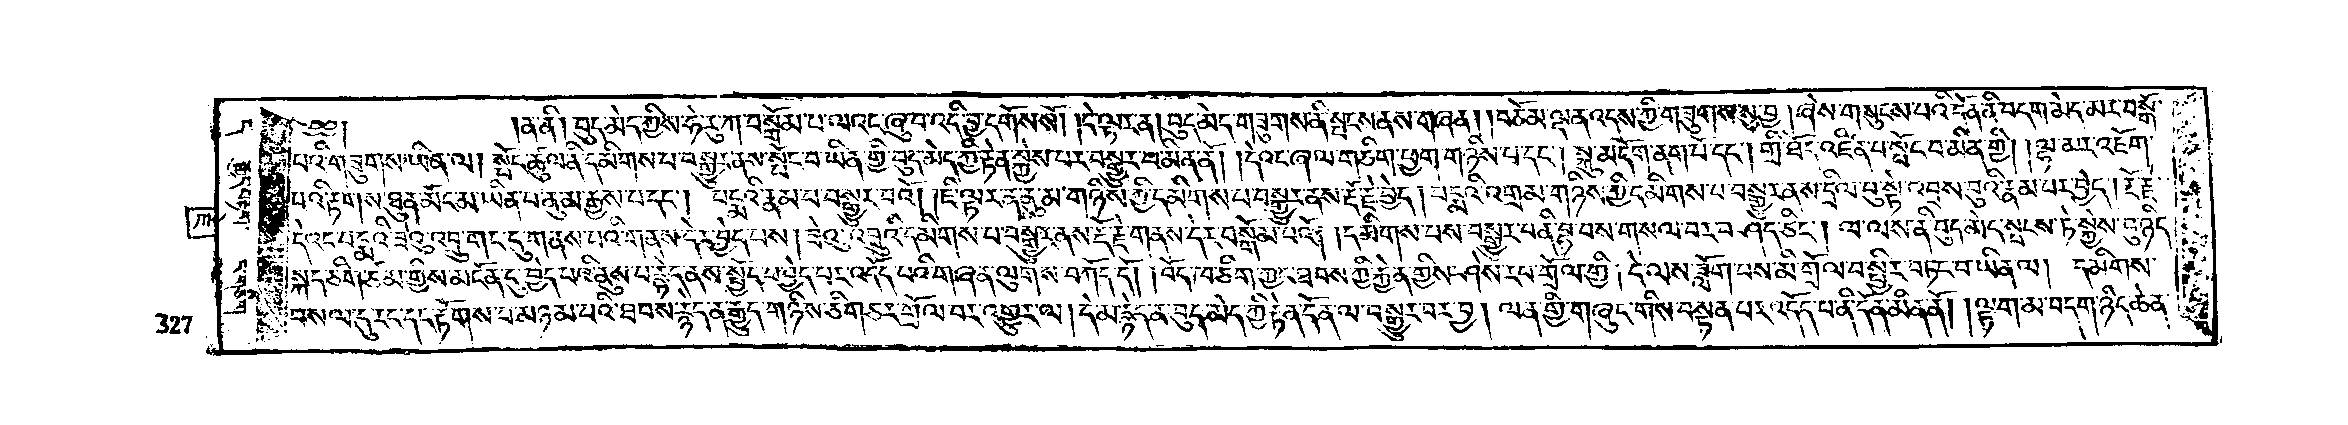༄༅། །ན་ནི། བུད་མེད་ཀྱིས་ཧེ་རུ་ཀ་བསྒོམ་པ་ལའང་ཞུ་བ་འདི་བྱ་དགོས་སོ། །དེ་ལྟར་ན། བུད་མེད་གཟུགས་ནི་སྤངས་ནས་གཞན། །བཅོམ་ལྡན་འདས་ཀྱི་གཟུགས་སུ་བྱ། ཞེས་གསུངས་པའི་དོན་ནི་བདག་མེད་མར་བསྒོ་
པའི་གཟུགས་ཡིན་ལ། སྤོང་ཚུལ་ནི་དམིགས་པ་བསྒྱུར་ནས་སྤོང་བ་ཡིན་གྱི་བུད་མེད་ཀྱི་རྟེན་སྐྱེས་པར་བསྒྱུར་བ་མིན་ནོ། །དེའང་ཞལ་གཅིག་ཕྱག་གཉིས་པ་དང་། སྐུ་མདོག་ནག་པོ་དང་། གྲི་ཐོད་འཛིན་པ་སྤོང་བ་མིན་གྱི། །ལྷ་མར་འཇོག་
པའི་རྟགས་ཐུན་མོང་མ་ཡིན་པ་ནུ་མ་རྒྱས་པ་དང་། པདམའི་རྣམ་པ་བསྒྱུར་བའོ། །ཇི་ལྟར་ན་ནུ་མ་གཉིས་ཀྱི་དམིགས་པ་བསྒྱུར་ནས་རྡོ་རྗེ་བྱེད། པདམའི་འགྲམ་གཉིས་ཀྱི་དམིགས་པ་བསྒྱུར་ནས་དྲིལ་བུ་སྟེ་འབྲས་བུའི་རྣམ་པར་བྱེད། རྡོ་རྗེ་
དེའང་པདམའི་ཟེའུ་འབྲུ་གང་དུ་གནས་པའི་གནས་དེར་བྱེད་པས། ཟེའུ་འབྲུའི་དམིགས་པ་བསྒྱུར་ནས་རྡོ་རྗེ་གནས་དེར་བསྒོམ་པའོ། །དམིགས་པས་བསྒྱུར་པ་ནི་བྷ་བས་གསལ་བར་བཤད་ཅིང་། ལ་ལས་ནི་བུད་མེད་སྤངས་ཏེ་སྐྱེས་བུ་ཉིད་
སྐད་ཅིག་ཙམ་གྱིས་མངོན་དུ་བྱེད་པའི་ནུས་པ་རྙེད་ནས་སྤྱོད་པ་བྱེད་པར་འདོད་པའི་གཞན་ལུགས་བཀོད་དོ། །བོད་ཁ་ཅིག་ཀྱང་ཐབས་ཀྱི་རྐྱེན་གྱིས་ཤེས་རབ་གྲོལ་གྱི། དེ་ལས་ཟློག་པས་མི་གྲོལ་བ་སྤྱིར་བཏང་བ་ཡིན་ལ། དམིགས་
བསལ་དུ་རང་དང་རྟོགས་པ་མཉམ་པའི་ཐབས་རྙེད་ན་རྒྱུད་གཉིས་ཅིག་ཅར་གྲོལ་བར་འགྱུར་ལ། དེ་མ་རྙེད་ན་བུད་མེད་ཀྱི་རྟེན་དོན་ལ་བསྒྱུར་བར་བྱ། ལན་གྱི་གཞུང་གིས་བསྟན་པར་འདོད་པ་ནི་དོན་མིན་ནོ། །ལྟག་མ་བདག་ཉིད་ཆེན་